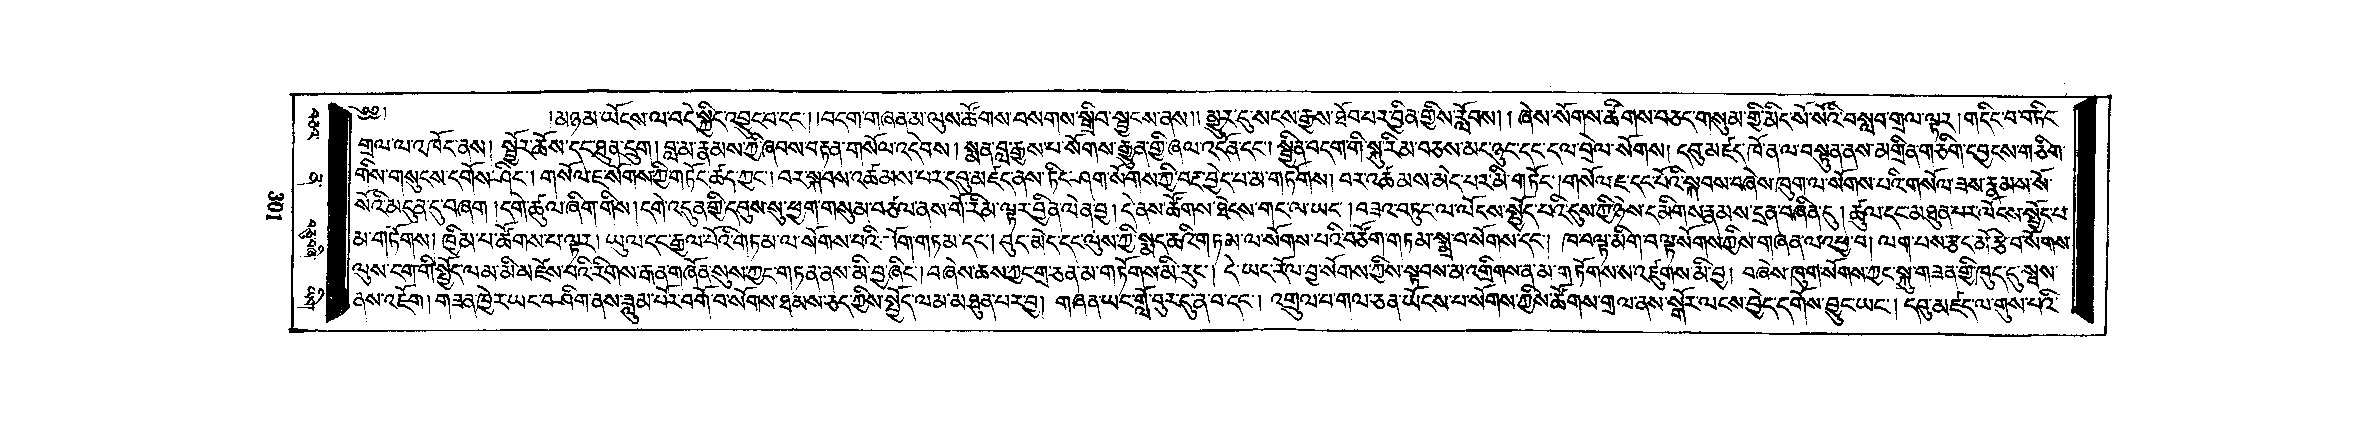༄༅། །མཉམ་ཡོངས་ལ་བདེ་སྐྱིད་འབྱུང་བ་དང་། །བདག་གཞན་མ་ལུས་ཚོགས་བསགས་སྒྲིབ་སྦྱངས་ནས། །མྱུར་དུ་སངས་རྒྱས་ཐོབ་པར་བྱིན་གྱིས་རློབས། །ཞེས་སོགས་ཚིགས་བཅད་གསུམ་གྱི་མིང་སོ་སོའི་བསླབ་གྲལ་ལྟར། གདིང་བ་བཏིང་
གྲལ་ལ་འཁོད་ནས། སྦྱོར་ཆོས་དང་ཐུན་དྲུག །བླ་མ་རྣམས་ཀྱི་ཞབས་བརྟན་གསོལ་འདེབས། སྨན་བླ་རྒྱས་པ་སོགས་རྒྱུན་གྱི་ཞལ་འདོན་དང་། སྦྱིན་བདག་གི་སྐུ་རིམ་བཅས་མང་ཉུང་དང་དལ་བྲེལ་སོགས། དབུ་མཛད་ཁོ་ན་ལ་བསྟུན་ནས་མགྲིན་གཅིག་དབྱངས་གཅིག་
གིས་གསུངས་དགོས་ཤིང་། གསོལ་ཇ་སོགས་ཀྱི་གཏོད་ཚད་ཀྱང་། བར་སྐབས་འཚམས་པར་དབུ་མཛད་ནས་ཏིང་ཤག་སོགས་ཀྱི་བརྡ་བྱེད་པ་མ་གཏོགས། བར་འཚམས་མེད་པར་མི་གཏོང་། གསོལ་ཇ་དང་པོའི་སྐབས་བཞེས་ཁུག་ལ་སོགས་པའི་གསོལ་ཟས་རྣམས་སོ་
སོའི་མདུན་དུ་བཞག །དགེ་ཚུལ་ཞིག་གིས། དགེ་འདུན་གྱི་དབུས་སུ་ཕྱག་གསུམ་བཙལ་ནས་གོ་རིམ་ལྟར་བྱིན་ལེན་བྱ། དེ་ནས་ཚོགས་ཐེངས་གང་ལ་ཡང་། བཟའ་བཏུང་ལ་ལོངས་སྤྱོད་པའི་དུས་ཀྱི་ཉེས་དམིགས་རྣམས་དྲན་བཞིན་དུ། ཚུལ་དང་མཐུན་པར་ལོངས་སྤྱོད་པ་
མ་གཏོགས། །ཁྱིམ་པ་ཚོགས་པ་ལྟར། ཡུལ་དང་རྒྱལ་པོའི་གཏམ་ལ་སོགས་པའི་ལོག་གཏམ་དང་། བུད་མེད་དང་ལུས་ཀྱི་སྨད་ཆའི་གཏམ་ལ་སོགས་པའི་བཙོག་གཏམ་སྨྲ་བ་སོགས་དང་། ཁ་བལྟ་མིག་བལྟ་སོགས་ཀྱིས་གཞན་ལ་འཕྱ་བ། ལག་པས་རྩད་མོ་རྩེ་བ་སོགས་
ལུས་ངག་གི་སྤྱོད་ལམ་མི་མཛེས་པའི་རིགས་རྒན་གཞོན་སུས་ཀྱང་གཏན་ནས་མི་བྱ་ཞིང་། བཞེས་ཆས་ཀྱང་གྲ་ཅན་མ་གཏོགས་མི་རུང་། དེ་ཡང་རོལ་བྱ་སོགས་ཀྱིས་སྟབས་མ་འགྲིགས་ན་མ་གཏོགས་ས་འཛུགས་མི་བྱ། བཞེས་ཁུག་སོགས་ཀྱང་སྐུ་གཟན་གྱི་ཁུད་དུ་སྦས་
ནས་འཇོག །གཟན་ཁྱེར་ཡང་བཤིག་ནས་ཟླུམ་པོར་བགོ་བ་སོགས་ཐམས་ཅད་ཀྱིས་སྤྱོད་ལམ་མཐུན་པར་བྱ། གཞན་ཡང་གློ་བུར་དུ་ན་བ་དང་། འགྲུལ་པ་གལ་ཅན་ཡོངས་པ་སོགས་ཀྱིས་ཚོགས་གྲལ་ནས་སྒོར་ལངས་བྱེད་དགོས་བྱུང་ཡང་། དབུ་མཛད་ལ་གུས་པའི་